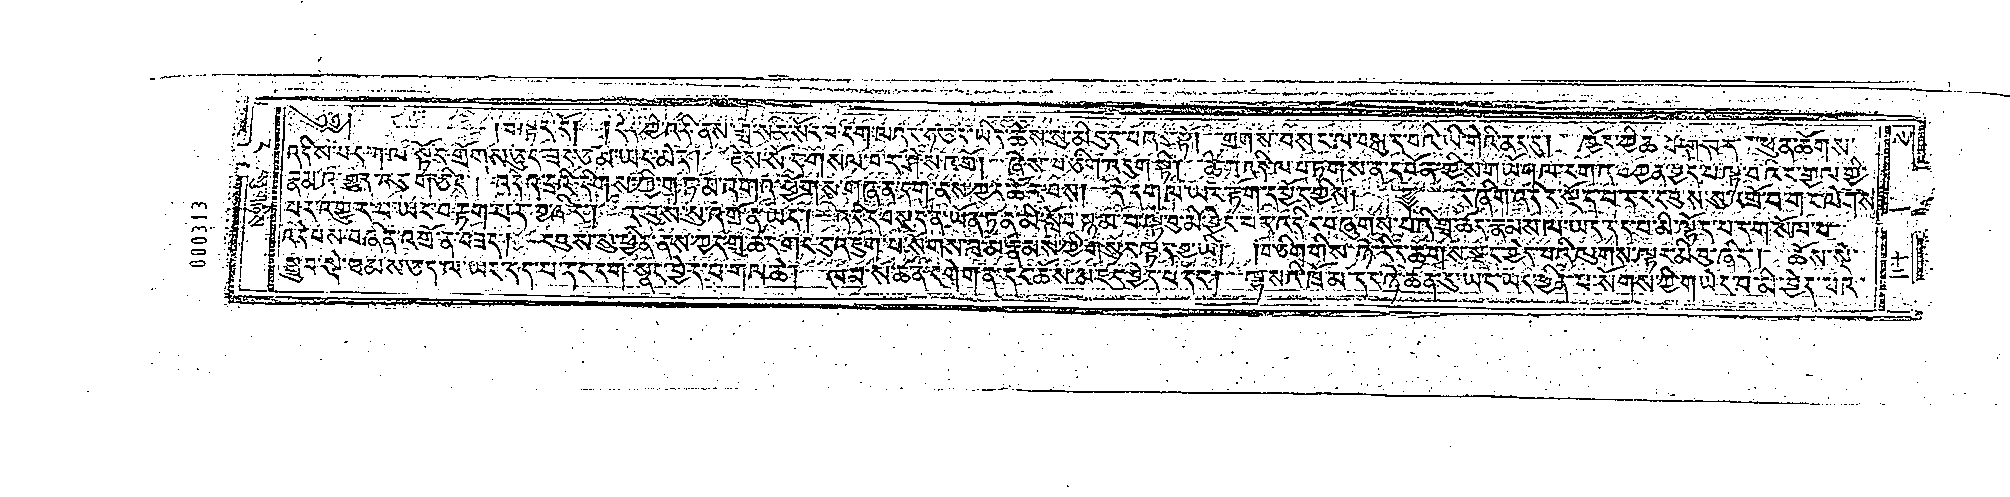༄༅། །བ་ལྟར་རོ། །དེད་ཀྱི་འདི་ནས་གྲྭ་སར་སོང་བདག་ལའང་ཧ་ཅང་ཡིད་ཆེས་སུ་མི་དུད་པ་འདྲ་སྟོ། གྲགས་བསང་ལ་བསྐུར་བའི་ཡི་གེའི་ནང་དུ། ཁྱོད་ཀྱི་ཚ་བོ་ངག་དབང་ཕུན་ཚོགས་
འདིས་བདག་ལ་སྟོང་གྲོགས་ཅུང་ཟད་ཙམ་ཡང་མེད། རྗེས་སོང་གསལ་བར་ཤེས་འགྲོ། ཞེས་པ་ཅིག་འདུག་སྟི། ཚིག་འདི་ལ་བཏགས་ན་དཔོན་གྱིས་གཡོག་ལ་བཀའ་བཀྱན་བྱད་པ་ལྟ་བའི་ང་རྒྱལ་གྱི་
རྣམ་འགྱུར་འདུག་ཅིང་། འདི་འདྲའི་རིགས་ཀྱི་གཏམ་འགའ་ཕྱོགས་གཞན་དག་ནས་ཀྱང་ཚོར་བས། དེ་དག་ལ་ཡང་རྟོག་དཔྱོད་གྱིས། ༈ རེ་ཞིག་འདིར་སྡོད་པ་དང་དབུས་སུ་འགྲོ་བ་གང་ལེགས་
པར་འགྱུར་པ་ཡང་བརྟག་པར་བྱ་ཞིང་། དབུས་སུ་འགྲོ་ན་ཡང་། འདིད་བསྡད་ན་ཡོན་ཏན་མི་སློབ་སྙམ་པ་ལྟ་བུ་མི་བྱེད་པར་འདིར་བཞུགས་པའི་གྲྭ་ཚད་རྣམས་ལ་ཡང་དད་པ་མི་ལྷོད་པར་གསོལ་བ་
འདེབས་བཞིན་འགྲོ་ན་བཟང་། དབུས་སུ་ཕྱིན་ནས་ཀྱང་གྲྭ་ཚང་གང་དུ་འཇུག་པ་སོགས་བླ་མ་རྣམས་ཀྱི་གསུང་ལྟར་བྱ་ཡི། །ཐ་ཅིག་གིས་ཉེ་རིང་ཆགས་སྡང་བྱེད་པའི་ལུགས་ལྟར་མི་རུང་ཞིང་། ཆོས་སྡེ་
སྒྲུབ་སྡེ་ཐམས་ཅད་ལ་ཡང་དད་པ་དང་ངག་སྣང་བྱེད་པ་གལ་ཆེ། ཁམས་ཚན་དགེ་རྒན་དང་ཆོས་མཛད་བྱེད་པ་དང་། ལྷ་སའི་ཁྲོམ་དང་ཉེ་ཚན་དུ་ཡང་ཡང་ཕྱིན་པ་སོགས་ཀྱི་གཡེང་བ་མི་བྱེད་པའི་